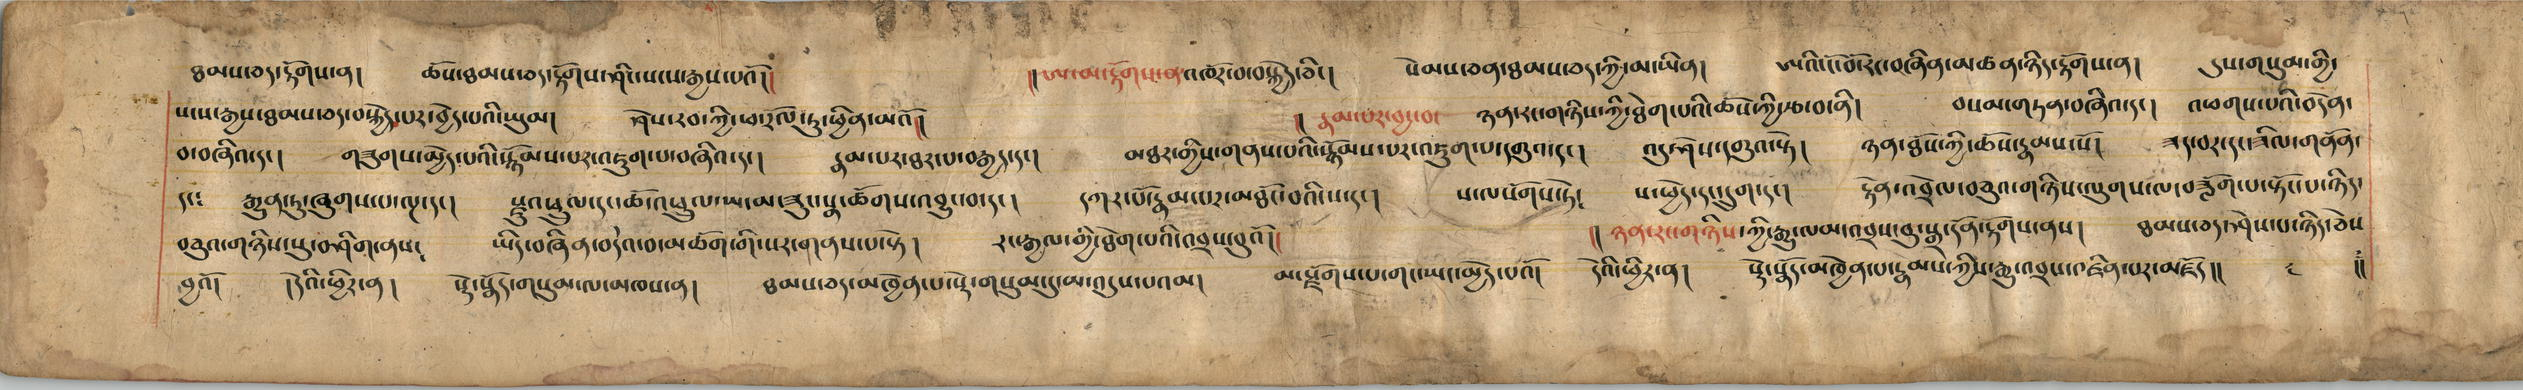ཐམས་ཅད་རྟོགས་ན། ཆོས་ཐམས་ཅད་རྟོགས་ཤིང་སངས་རྒྱས་པའོ།། །།ཨ་མ་རྟོགས་ན་འཁོར་བ་བསྐྱེད་ཅིང་། སེམས་ཅན་ཐམས་ཅད་ཀྱི་མ་ཡིན། ཨའི་ངོ་བོ་རང་བཞིན་མཚན་ཉིད་རྟོགས་ན། དུས་གསུམ་གྱི་
སངས་རྒྱས་ཐམས་ཅད་བསྐྱེད་པར་བྱེད་པའི་ཡུམ། ཤེས་རབ་ཀྱི་ཕ་རོལ་ཏུ་ཕྱིན་མའོ།། །། རྣམ་པར་བྱ་བ་ ཉན་རང་གཉིས་ཀྱི་ཐེག་པའི་ཆོས་ཀྱི་རྩ་བ་ནི། བསམ་གཏན་བཞིའ་དང། འཕགས་པའི་བདེན་
བ་བཞིའ་དང། གཟུགས་མྱེད་པའི་སྙོམས་པར་འཇུག་པ་བཞིའ་དང། རྣམ་པར་ཐར་པ་བརྒྱད་དང། མཐར་གྱིས་གནས་པའི་སྙོམས་པར་འཇུག་པ་དགུའ་དང། འདུ་ཤེས་དགུའ་སྟེ། ཉན་ཐོས་ཀྱི་ཆོས་རྣམས་སོ། ཟད་བར་དང་ཟིལ་གནོན་
དང: རྒྱུན་ཏུ་ཞུགས་པ་ལྔ་དང། སྫུ་འཕྲུལ་དང་ཆོ་འཕྲུལ་ཡ་མ་ཟུང་སྣ་ཚོགས་འབྱུང་བ་དང། དཀར་པོ་རྣམ་པར་མཐོང་བའི་ས་དང། ས་ལསོགས་ཏེ། ས་ཕྱེད་དང་དྲུག་དང། རྟེན་འབྲེལ་བཅུའ་གཉིས་ལུགས་ལ་བཟློག་པ་སྟོང་པ་ཉིད་
བཅུའ་གཉིས་སུ་བཤིག་ནས། ཡིད་བཞིན་བདེའ་བ་མཆོག་གི་སར་གནས་པ་སྟེ། རང་རྒྱལ་གྱི་ཐེག་པའི་འབྲས་བུའོ།། །། ཉན་རང་གཉིས་ཀྱི་རྒྱུ་ལམ་འབྲས་བུ་སྒྲ་དོན་རྟོགས་ནས། ཐམས་ཅད་ཤེས་པ་ཉིད་ཅེས
བྱའོ། །དེའི་ཕྱིར་ན། སྡེ་སྣོད་གསུམ་ལ་མཁས་ན། ཐམས་ཅད་མཁྱེན་པ་སྡེ་གསུམ་དུ་མ་འདུས་པའམ། མ་སྫོགས་པ་གང་ཡང་མྱེད་པའོ། དེའི་ཕྱིར་ན། སྡེ་སྣོད་མཁྱེན་པ་རྣམས་ཀྱིས་རྒྱུ་འབྲས་འཛིན་པར་མཛོད།།